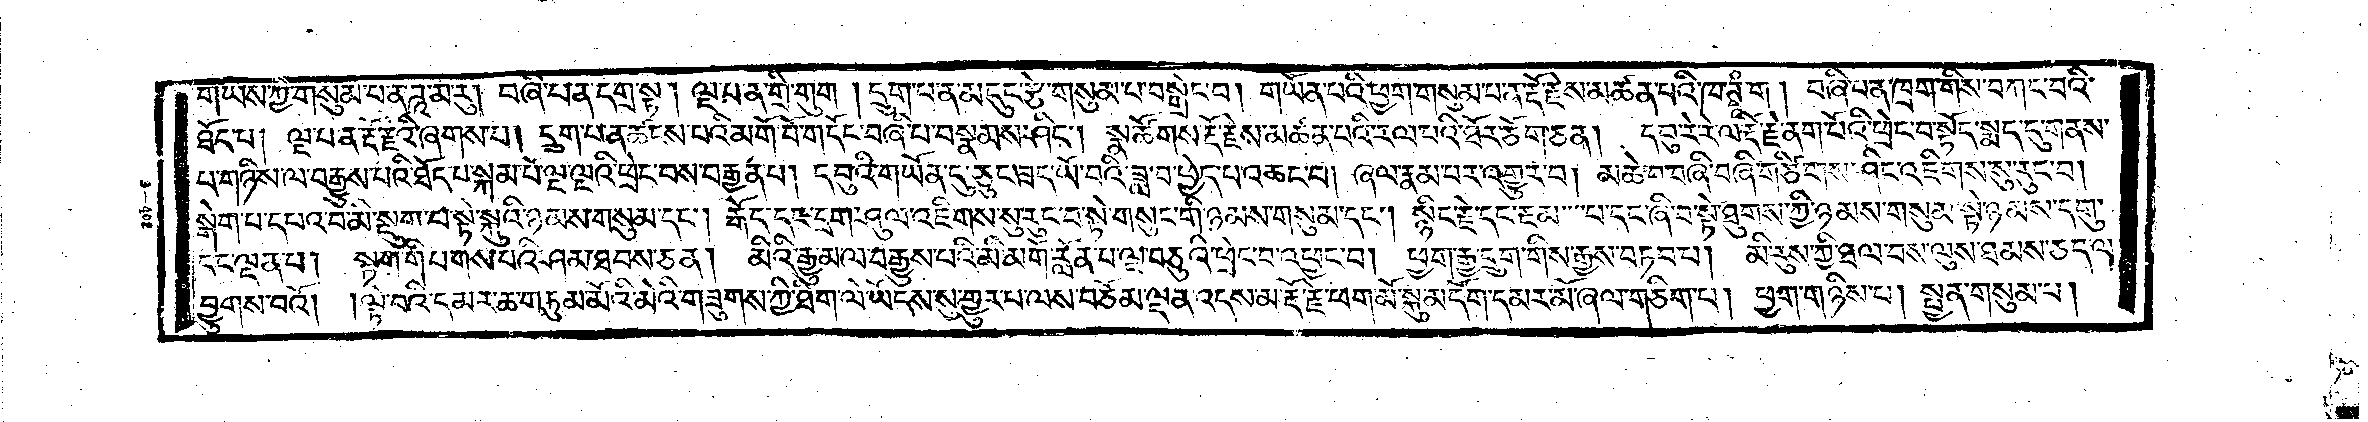གཡས་ཀྱི་གསུམ་པ་ན་ཌཱ་མ་རུ། བཞི་པ་ན་དགྲ་སྟ། ལྔ་པ་ན་གྲི་གུག །དྲུག་པ་ན་མདུང་རྩེ་གསུམ་པ་བསྒྲེང་བ། གཡོན་པའི་ཕྱག་གསུམ་པ་ན་རྡོ་རྗེས་མཚན་པའི་ཁ་ཊྭཱཾ་ག། བཞི་པ་ན་ཁྲག་གིས་བཀང་བའི་
ཐོད་པ། ལྔ་པ་ན་རྡོ་རྗེའི་ཞགས་པ། དྲུག་པ་ན་ཚངས་པའི་མགོ་བོ་གདོང་བཞི་པ་བསྣམས་ཤིང་། སྣ་ཚོགས་རྡོ་རྗེས་མཚན་པའི་རལ་པའི་ཐོར་ཅོག་ཅན། དབུ་རེ་རེ་ལ་རྡི་རྗེ་ནག་པོའི་ཕྲེང་བ་སྟོད་སྨད་དུ་གནས་
པ་གཉིས་ལ་བརྒྱུས་པའི་ཐོད་པ་སྐམ་པོ་ལྔ་ལྔའི་ཕྲེང་བས་བརྒྱན་པ། དབུའི་གཡོན་དུ་ཅུང་ཟད་ཡོ་བའི་ཟླ་བ་ཕྱེད་པ་འཆང་པ། ཞལ་རྣམ་པར་འགྱུར་བ། མ་ཆེ་བ་བཞི་བཞི་གཙིགས་ཤིང་འཇིགས་སུ་རུང་བ།
སྒེག་པ་དཔའ་བ་མི་སྡུག་པ་སྟེ་སྐུའི་ཉམས་གསུམ་དང་། རྒོད་དང་དྲག་ཤུལ་འཇིགས་སུ་རུང་བ་སྟེ་གསུང་གི་ཉམས་གསུམ་དང་། སྙིང་རྗེ་དང་རྔམ་པ་དང་ཞི་བ་སྟེ་ཐུགས་ཀྱི་ཉམས་གསུམ་སྟེ་ཉམས་དགུ་
དང་ལྡན་པ། སྟག་གི་པགས་པའི་ཤམ་ཐབས་ཅན། མིའི་རྒྱུ་མ་ལ་བརྒྱུས་པའི་མི་མགོ་རློན་པ་ལྔ་བཅུའི་ཕྲེང་བ་འཕྱང་བ། ཕྱག་རྒྱ་དྲུག་གིས་རྒྱས་བཏབ་པ། མི་རུས་ཀྱི་ཐལ་བས་ལུས་ཐམས་ཅད་ལ་
བྱུགས་བའོ། །ལྟེ་བའི་དམར་ཆ་གཏུམ་མོའི་མེའི་གཟུགས་ཀྱི་ཐིག་ལེ་ཡོངས་སུ་གྱུར་པ་ལས་བཅོམ་ལྡན་འདས་མ་རྡོ་རྗེ་ཕག་མོ་སྐུ་མདོག་དམར་མོ་ཞལ་གཅིག་པ། ཕྱག་གཉིས་པ། སྤྱན་གསུམ་པ།